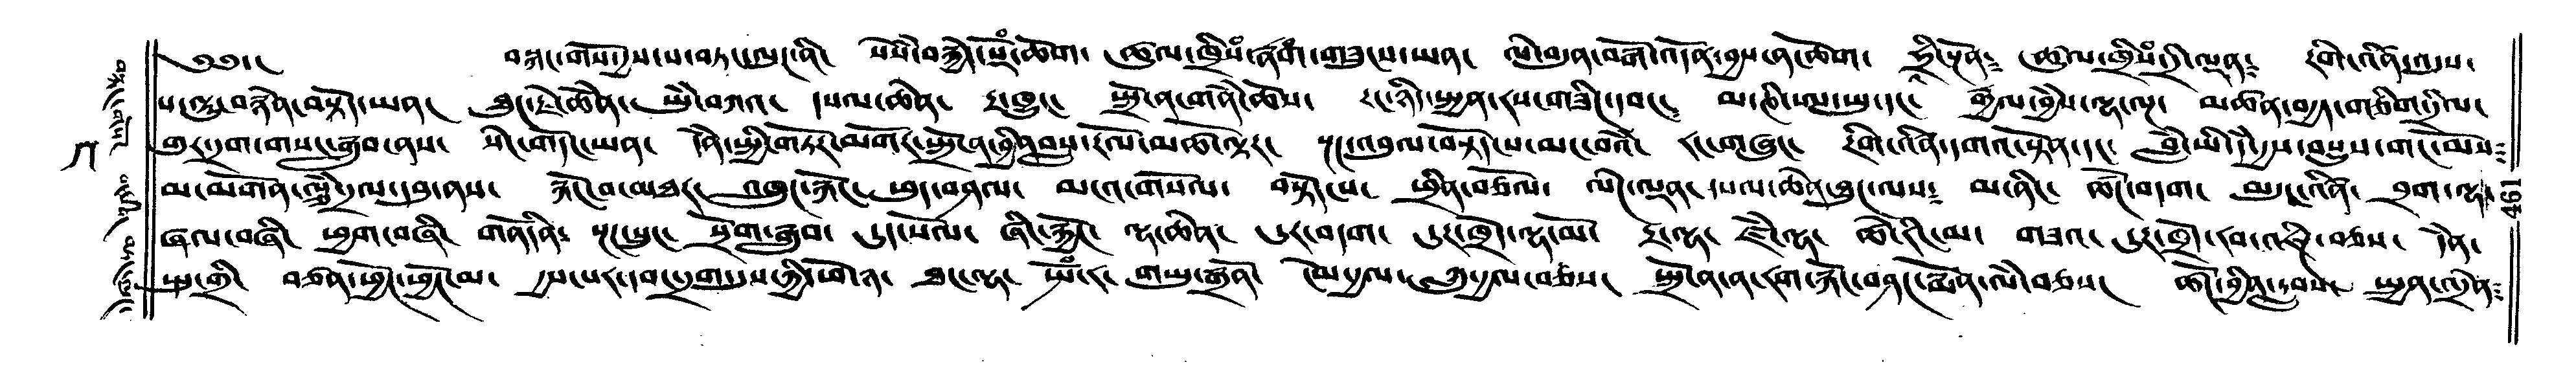༈ བསྐང་གསོ་རྒྱས་པ་གཏོང་ལུགས་ནི། སེམས་བསྐྱེད་སྡོམ་ཆོག་ཚུལ་ཁྲིམས་རྣམ་དག་གཟུངས་ཡན། ལེའུ་བདུན་བགོ་འདོན་བྱས་ན་ཆོག ཧྲཱིཿསྔོན༴ ཚུལ་ཁྲིམས་དྲི་ལྡན༴ རིག་འཛིན་འདུས་
པ་ལྟ་བུ་བསྙེན་བསྟོད་ཡན། ཐུགས་རྗེ་ཆེན་པོ། ཡུམ་བཀའ། དཔལ་ཆེན། རྟ་ཁྱུང་། སྤྲོ་ན་གནམ་ཆོས། རང་ཉིད་སྤྱན་རས་གཟིགས་དབང༴ མ་ཎི་ཨ་ཡུ༴ དང་། རྒྱལ་བྱམས་ལྷ་ལྔ། མཚན་བརྒྱད་གཅིག་དྲིལ། 
གུར་དྲག་གསང་སྒྲུབ་ནས། སེང་གདོང་ཡན། དམ་ཅན་སྤྱི་གཏོར་མགོར་སྤྲོ་ན་བྱིན་རླབས་རོལ་མཚོ་ལྟར། སྔགས་འབུལ་བསྟོད་པ་མང་བའམ། རང་གཞུང་། རིག་འཛིན་དགའ་སྟོན་དང་། བླ་མ་ཡི་དམ༴ རྒྱས་བསྡུས་གང་མོས། 
མ་མགོན་ལྕམ་དྲལ་དབུ་ནས། སྐོང་བ་མཐར། འཁྲུགས་སྐོང་། ཕུད་བཤལ། མངའ་གསོལ། བསྟོད་པ། ཕྲིན་བཅོལ། ལེགས་ལྡན། དཔལ་ཆེན་ཐུགས་ལས༴ མ་ནིང་། ཚོགས་བདག མདུང་འཛིན། བྲག་ལྷ་
ཞལ་བཞི། ཕྱག་བཞི། གནོད་སྦྱིན། སྔགས་སྲུང་། སྲོག་སྒྲུབ། དུད་སོལ། ཞིང་སྐྱོང་། ལྷ་ཆེན། དུར་བདག དུར་ཁྲོད་ལྷ་མོ། རྟ་ལྷ། ཛམ་ལ། ཚེ་རིང་མ། གཟའ། དུར་ཁྲོད་རབ་འཇིགས༴ བཅས། དམ་ཅན་
སྤུ་གྲི། བཙན། ཕྱོགས་ཕྱོགས༴ མ། རྒྱས་པར་དབང་དྲག་དུས་ཀྱི་ཕོ་ཉ། ཐང་ལྷ། སྤོམ་ར། གཡུ་སྒྲོན། ངོམ་རྒྱལ། ཀླུ་རྒྱལ་བཅས། སྤྲོ་ན་ན་རག་སྐོང་བཤགས་སྨོན་ལམ་བཅས། ཚོགས་བྱིན་རླབས། སྤྱན་འདྲེན།